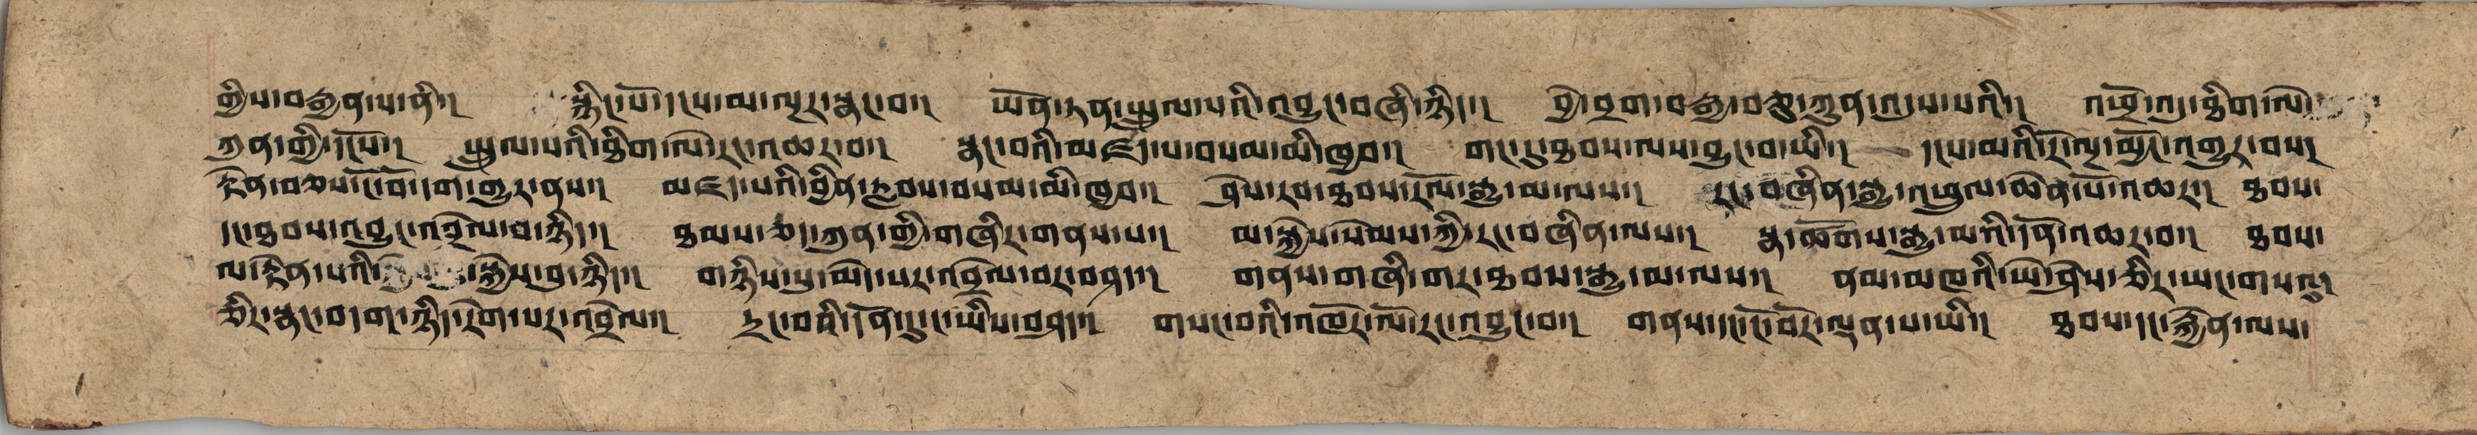གྱིས་བརྒྱན་པ་ནི་། སྙིང་པོ་དངས་མ་ལྔར་སྣང་བ་། ཡོན་ཏན་སྤྲུལ་པའི་འབྱུང་བཞི་ཉིད་། བྱེ་བྲག་བརྒྱ་བཅུ་ཀུན་འདུས་པའི་། འཕྲོ་འདུ་ཐིག་ལེ་
ཀུན་གྱི་དངོས་། སྤྲུལ་པའི་ཐིག་ལེ་རང་འཆར་བ་། སྣང་བའི་མཛད་པ་བསམ་མི་ཁྱབ་། གང་དུ་ཐབས་ལས་བྱུང་བ་ཡི་། དངས་མའི་རོ་ལྔ་མྱོང་འགྱུར་བས་།
རྟེན་བཅས་ངོ་བོ་དག་གྱུར་ནས་། མཛད་པའི་བྱིན་རླབས་བསམ་མི་ཁྱབ་། ཤེས་རབ་ཐབས་རོལ་སྒྱུ་མ་ལས་། རང་བཞིན་སྒྱུ་འཕྲུལ་ཆེན་པོ་འཆར་། ཐབས་
དང་ཐབས་འབྱུང་འབྲེལ་བ་ཉིད་། ཐམས་ཅད་ཀུན་གྱི་གཞིར་གནས་པ་། མ་སྐྱེས་སེམས་ཀྱི་རང་བཞིན་ལས། སྣ་ཚོགས་སྒྱུ་མའི་དོན་འཆར་བ་། ཐབས་
ལ་རྟེན་སའི་ སྐྱེས་བུ་ཉིད་། གཉིས་སུ་མེད་པར་འབྲེལ་བར་བཤད་། གནས་གཞི་གར་ཐབས་སྒྱུ་མ་ལས་། ནམ་མཁའི་ཡེ་ཤེས་ཅིར་ཡང་གསའུ་
ཅིར་སྣང་བདག་ཉིད་རེག་པར་འབྲེལ་། དྲང་བའི་དོན་དུ་ང་ཡིས་བཤད་། གསང་བའི་འཁོར་ལོ་རང་འབྱུང་བ་། གནས་དང་ངོ་བོར་ལྡན་པ་ཡི་། ཐབས་དང་རྐྱེན་ལས་